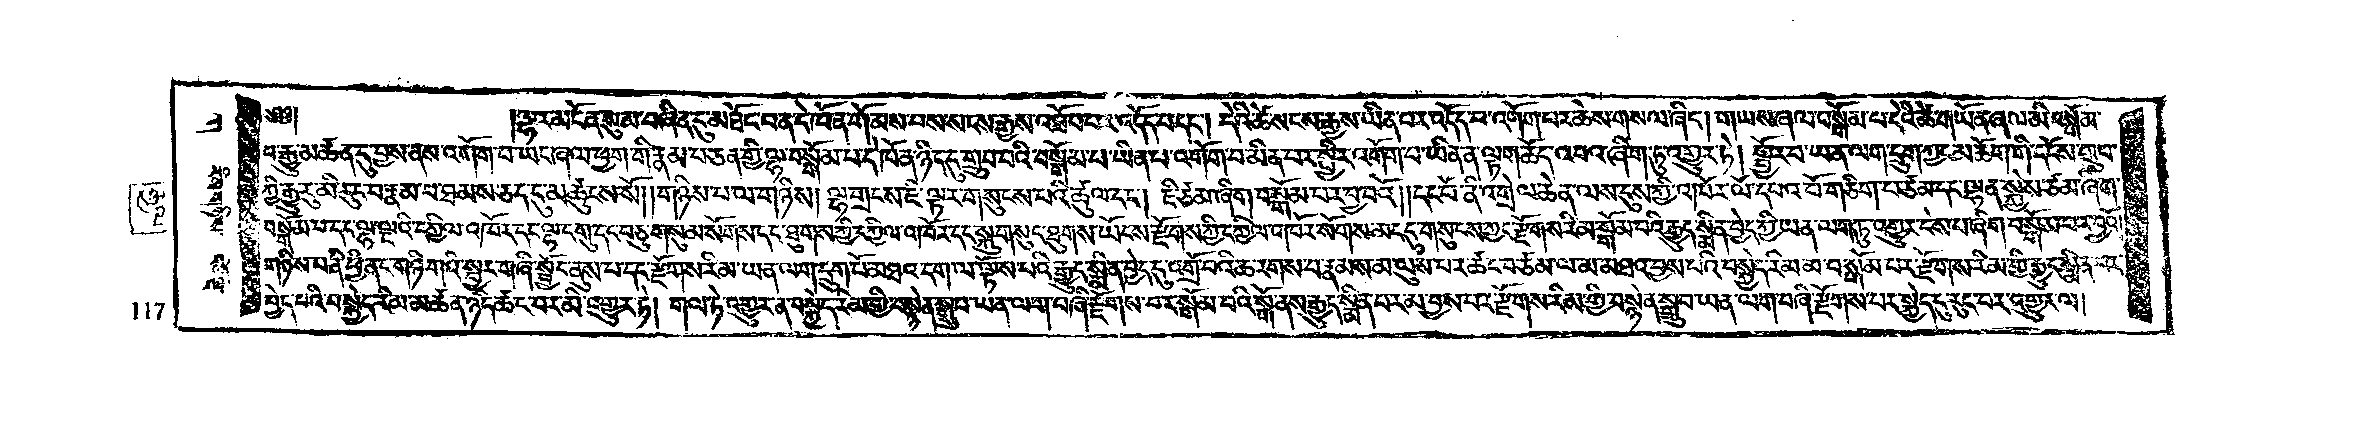༄༅། །ལྷར་མངོན་སུམ་བཞིན་དུ་མཐོང་བ་ན་དེ་ཁོ་ན་གོམས་པས་སངས་རྒྱས་འཐོབ་པར་འདོད་པ་དང་། དེའི་ཚེ་སངས་རྒྱས་ཡིན་པར་འདོད་པ་འགོག་པར་ཆེས་གསལ་ཞིང་། གཡས་ཞལ་བསྒོམ་པ་དེའི་ཚེ་གཡོན་ཞལ་མི་བསྒོམ་
པ་རྒྱུ་མཚན་དུ་བྱས་ནས་འགོག་པ་ཡང་ཞལ་ཕྱག་གི་རྣམ་པ་ཅན་གྱི་ལྷ་བསྒོམ་པ་དེ་ཁོ་ན་ཉིད་དུ་གྲུབ་པའི་བསྒོམ་པ་ཡིན་པ་འགོག་པ་མིན་པར་སྤྱིར་འགོག་པ་ཡིན་ན་ལྟག་ཆོད་འབའ་ཞིག་ཏུ་འགྱུར་ཏེ། སྦྱོར་བ་ཡན་ལག་དྲུག་ཀྱང་མཆོག་གི་དངོས་གྲུབ་
ཀྱི་རྒྱུ་རུ་མི་རུང་བ་རྣམ་པ་ཐམས་ཅད་དུ་མཚུངས་སོ། །གཉིས་པ་ལ་གཉིས། ལྷ་གྲངས་ཇི་ལྟར་གསུངས་པའི་ཚུལ་དང་། ཇི་ཙམ་ཞིག་བསྒོམ་པར་བྱ་བའོ། །དང་པོ་ནི་འགྲེལ་ཆེན་ལས་དུས་ཀྱི་འཁོར་ལོ་དཔའ་བོ་གཅིག་པ་ཙམ་དང་ལྷན་སྐྱེས་ཙམ་ཞི་
བསྒོམ་པ་དང་ལྷ་ལྔའི་དཀྱིལ་འཁོར་དང་ལྷ་དགུ་དང་བཅུ་གསུམ་སོགས་དང་ཐུགས་ཀྱི་དཀྱིལ་འཁོར་དང་སྐུ་གསུང་ཐུགས་ཡོངས་རྫོགས་ཀྱི་དཀྱིལ་འཁོར་སོགས་མང་དུ་གསུངས་ཀྱང་རྫོགས་རིམ་སྒོམ་པའི་རྒྱུད་སྨིན་བྱེད་ཀྱི་ཡན་ལག་ཏུ་འགྱུར་ངེས་པ་ཞིག་བསྒོམ་པར་བྱའོ། །
གཉིས་པ་ནི་ཕྱི་ནང་གཉི་གའི་སྦྱར་གཞི་སྦྱོང་ནུས་པ་དང་རྫོགས་རིམ་ཡན་ལག་དྲུག་པོ་མཐའ་དག་ལ་ལྟོས་པའི་རྒྱུད་སྨིན་བྱེད་དུ་འགྲོ་བའི་ཆ་རགས་པ་རྣམས་མ་ལུས་པར་ཚང་བ་ཙམ་ལ་མ་མཐའ་བྱས་པའི་བསྐྱེད་རིམ་མ་བསྒོམ་པར་རྫོགས་རིམ་གྱི་རྒྱུད་སྨིན་པར་
བྱེད་པའི་བསྐྱེད་རིམ་མཚན་ཉིད་ཚང་བར་མི་འགྱུར་ཏེ། གལ་ཏེ་འགྱུར་ན་བསྐྱེད་རིམ་གྱི་བསྙེན་སྒྲུབ་ཡན་ལག་བཞི་རྫོགས་པར་སྒོམ་པའི་སྒོ་ནས་རྒྱུད་སྨིན་པར་མ་བྱས་པར་རྫོགས་རིམ་གྱི་བསྙེན་སྒྲུབ་ཡན་ལག་བཞི་རྫོགས་པར་སྐྱེད་དུ་རུང་བར་འགྱུར་ལ།